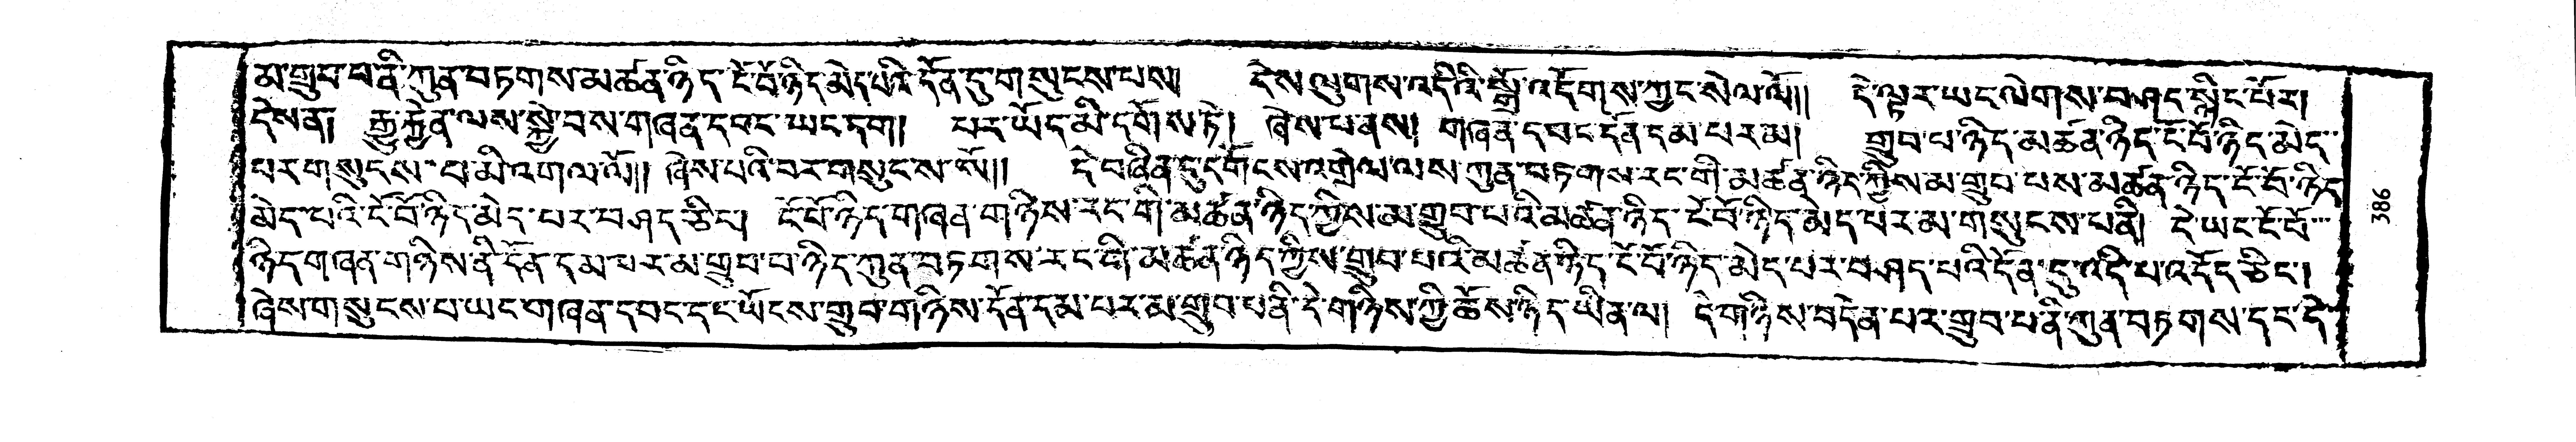མ་གྲུབ་པ་ནི་ཀུན་བཏགས་མཚན་ཉིད་ངོ་བོ་ཉིད་མེད་པའི་དོན་དུ་གསུངས་པས། དེས་ལུགས་འདིའི་སྒྲོ་འདོགས་ཀྱང་སེལ་ལོ། །དེ་ལྟར་ཡང་ལེགས་བཤད་སྙིང་པོར།
དེས་ན། རྒྱུ་རྐྱེན་ལས་སྐྱེ་བས་གཞན་དབང་ཡང་དག །པར་ཡོད་མི་དགོས་ཏེ། ཞེས་པ་ནས། གཞན་དབང་དོན་དམ་པར་མ། གྲུབ་པ་ཉིད་མཚན་ཉིད་ངོ་བོ་ཉིད་མེད་
པར་གསུངས་པ་མི་འགལ་ལོ། །ཞེས་པའི་བར་གསུངས་སོ། །དེ་བཞིན་དུ་དགོངས་འགྲེལ་ལས་ཀུན་བཏགས་རང་གི་མཚན་ཉིད་ཀྱིས་མ་གྲུབ་པས་མཚན་ཉིད་ངོ་བོ་ཉིད་
མེད་པའི་ངོ་བོ་ཉིད་མེད་པར་བཤད་ཅིང་། ངོ་བོ་ཉིད་གཞན་གཉིས་རང་གི་མཚན་ཉིད་ཀྱིས་མ་གྲུབ་པའི་མཚན་ཉིད་ངོ་བོ་ཉིད་མེད་པར་མ་གསུངས་པ་ནི། དེ་ཡང་ངོ་བོ་
ཉིད་གཞན་གཉིས་ནི་དོན་དམ་པར་མ་གྲུབ་པ་ཉིད་ཀུན་བཏགས་རང་གི་མཚན་ཉིད་ཀྱིས་གྲུབ་པའི་མཚན་ཉིད་ངོ་བོ་ཉིད་མེད་པར་བཤད་པའི་དོན་དུ་འདི་པ་འདོད་ཅིང་།
ཞེས་གསུངས་པ་ཡང་གཞན་དབང་དང་ཡོངས་གྲུབ་གཉིས་དོན་དམ་པར་མ་གྲུབ་པ་ནི་དེ་གཉིས་ཀྱི་ཆོས་ཉིད་ཡིན་ལ། དེ་གཉིས་བདེན་པར་གྲུབ་པ་ནི་ཀུན་བཏགས་དང་དེ་